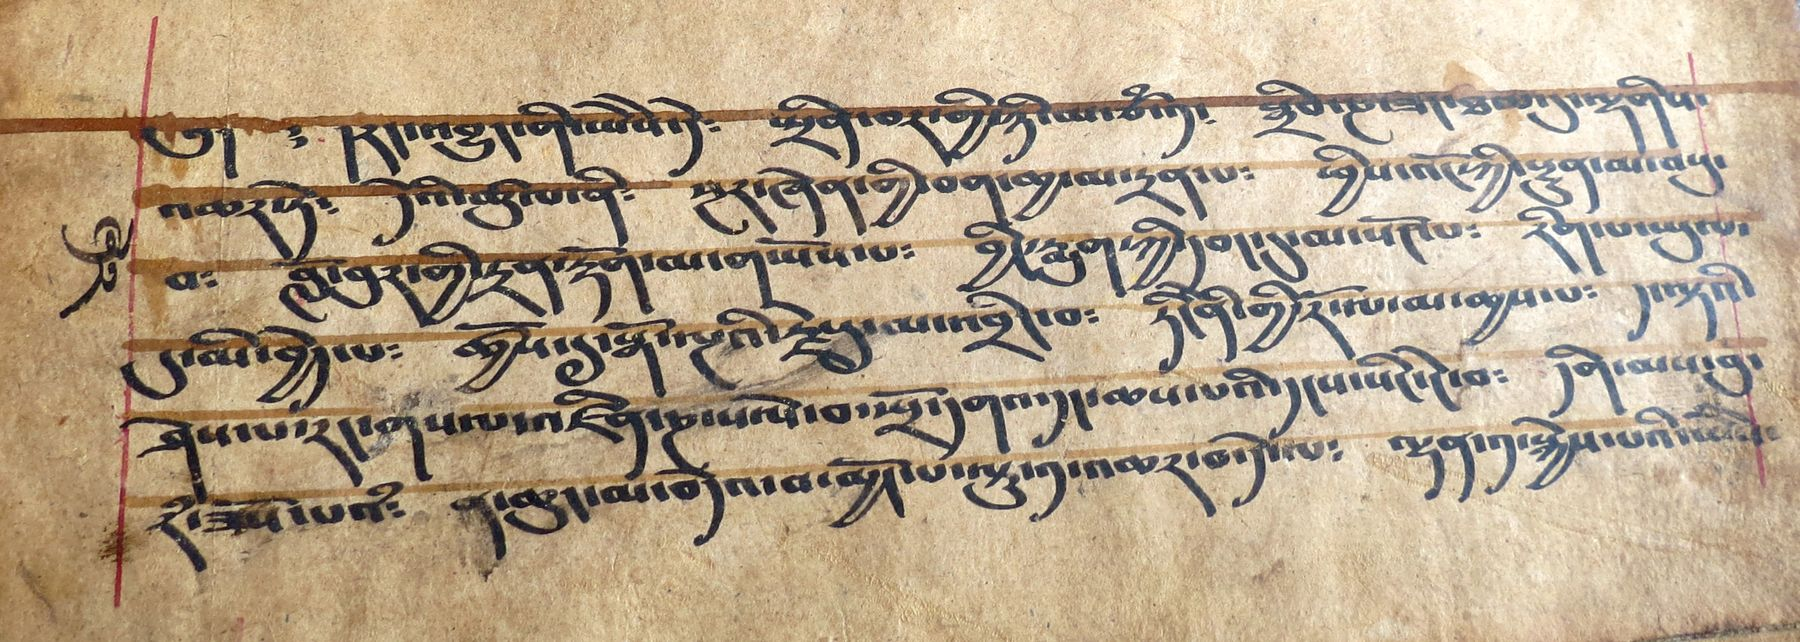རང་འབྱུང་གི་ཡེ་ཤེས། སྤྲིན་བར་ཉི་མ་ཙམ་ཞིག སྒྲིབ་མེད་ཟང་ཐལ་དུ་ལྷག་གེ་
འཆར་ཏེ། དེའི་ཚུལ་ནི། སྔར་ཞེན་གྱི་བག་ཆགས་མ་དྲན་པ། ཕྱིས་འོངས་ཀྱི་སྔོན་མི་བསུ་
བ། གློ་བུར་གྱི་དྲན་རྟོག་མ་གཡོས་པ། བྱིང་རྨུག་གི་དབང་དུ་མ་སོང་བ། རིག་པ་ཡུལ་
དུ་མི་བྱེད་པ། ཚོགས་དྲུག་སྒོ་ལྔའི་རྗེས་སུ་མ་འབྲེང་བ། ཏིང་ངེ་འཛིན་གྱི་རོ་ལ་མི་ཆགས་པ། ད་ལྟའི་
ཤེས་པ་རང་གསལ་འཛིན་མེད་དུ་ས་ལེ་བ་སྤྲོ་དགའ་དང་ཆས་པས་དྭངས་སེང་ངེ་བ། དིག་མས་བུ་
རམ་ཟོས་པའམ། ན་ཆུང་མས་བདེ་བ་མྱོང་བ་ལྟ་བུ་ཞིག་འཆར་བ་དེ་ལ། ལྷན་ཅིག་སྐྱེས་པའི་ཡེ་ཤེས་